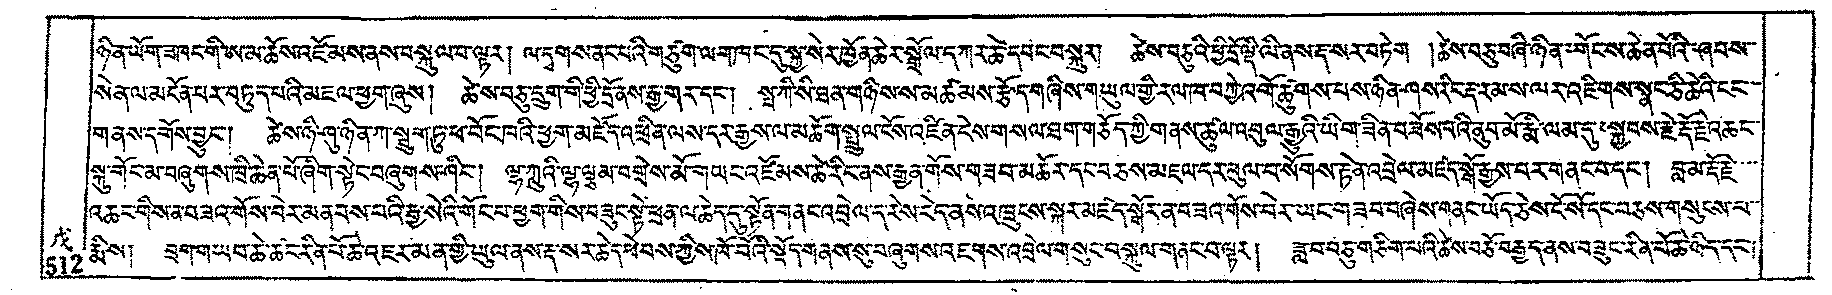ཉིན་ཡོག་ཟ་ཁང་གི་ཨ་མ་ཆོས་འཛོམས་ནས་བསྐུལ་བ་ལྟར། ལ་དྭགས་ནང་པའི་གཙུག་ལག་ཁང་དུ་སྐྱ་སེར་ཁྱོན་ཆེར་སྒྲོལ་དཀར་ཚེ་དབང་བསྐུར། ཚེས་བཅུའི་ཕྱི་དྲོ་ལྡི་ལི་ནས་རྡ་སར་བཏེག །ཚེས་བཅུ་བཞི་ཉིན་༧གོང་ས་ཆེན་པོའི་༧ཞབས་
སེན་ལ་མངོན་པར་བཏུད་པའི་མཇལ་ཕྱག་ཞུས། ཚེས་བཅུ་དྲུག་གི་ཕྱི་དྲོ་ནས་རྒྱ་གར་དང་། སྤ་ཀི་སི་ཐན་གཉིས་ས་མཚམས་རྩོད་གཞིས་གཡུལ་གྱི་རལ་ཁ་བཀྱེ་འགོ་ཚུགས་པས་ཉིན་ཤས་རིང་རྡ་རམ་ས་ལར་འཇིགས་སྣང་ཅི་ཆེའི་ངང་
གནས་དགོས་བྱུང་། ཚེས་ཉི་ཤུ་ཉིན་ཀ་སྦུག་ཏུ་ཕ་བོང་ཁའི་ཕྱག་མཛོད་འཕྲིན་ལས་དར་རྒྱས་ལ་མཆོག་སྤྲུལ་ངོས་འཛིན་ངེས་གསལ་ཐག་གཅོད་ཀྱི་གནས་ཚུལ་འབུལ་རྒྱུའི་ཡིག་ཟིན་བཟོས་པའི་ནུབ་མོ་རྨི་ལམ་དུ་༧སྐྱབས་རྗེ་རྡོ་རྗེ་འཆང་
སྐུ་གོང་མ་བཞུགས་ཁྲི་ཆེན་པོ་ཞིག་སྟེང་བཞུགས་ཤིང་། ལྷ་ཀླུའི་ལྷ་ལྕམ་བགྲེས་མོ་གཡང་འཛོམས་ཚེ་རིང་ནས་རྒྱན་གོས་གཟབ་མཆོར་དང་བཅས་མཇལ་དར་ཕུལ་བ་སོགས་རྟེན་འབྲེལ་མཛད་སྒོ་རྒྱས་པར་གནང་བ་དང་། བླ་མ་རྡོ་རྗེ་
འཆང་གིས་ན་བཟའ་གོས་བེར་མནབས་པའི་རྒྱ་སེའི་གོང་པ་ཕྱག་གིས་བཟུང་སྟེ་ཕྲན་ལ་ཆེད་དུ་སྟོན་གནང་འབྲེལ་ད་རེས་ངེད་ནས་འཁྲུངས་སྐར་མཛད་སྒོར་ན་བཟའ་གོས་བེར་ཡང་གཟབ་བཞེས་གནང་ཡོད་ཅེས་ངོ་སོ་དང་བཅས་གསུངས་པ་
རྨིས། བྲག་གཡབ་ཆེ་ཚང་རིན་པོ་ཆེ་འཇར་མན་གྱི་ཡུལ་ནས་རྡ་སར་ཆེད་ཕེབས་ཀྱིས་ཁོ་བོའི་སྡོད་གནས་སུ་བཞུགས་འཇགས་འབྲེལ་གསུང་བསྐུལ་གནང་བ་ལྟར། ཟླ་བ་བཅུ་གཅིག་པའི་ཚེས་བཅོ་བརྒྱད་ནས་བཟུང་རིན་པོ་ཆེ་ཉིད་དང་།